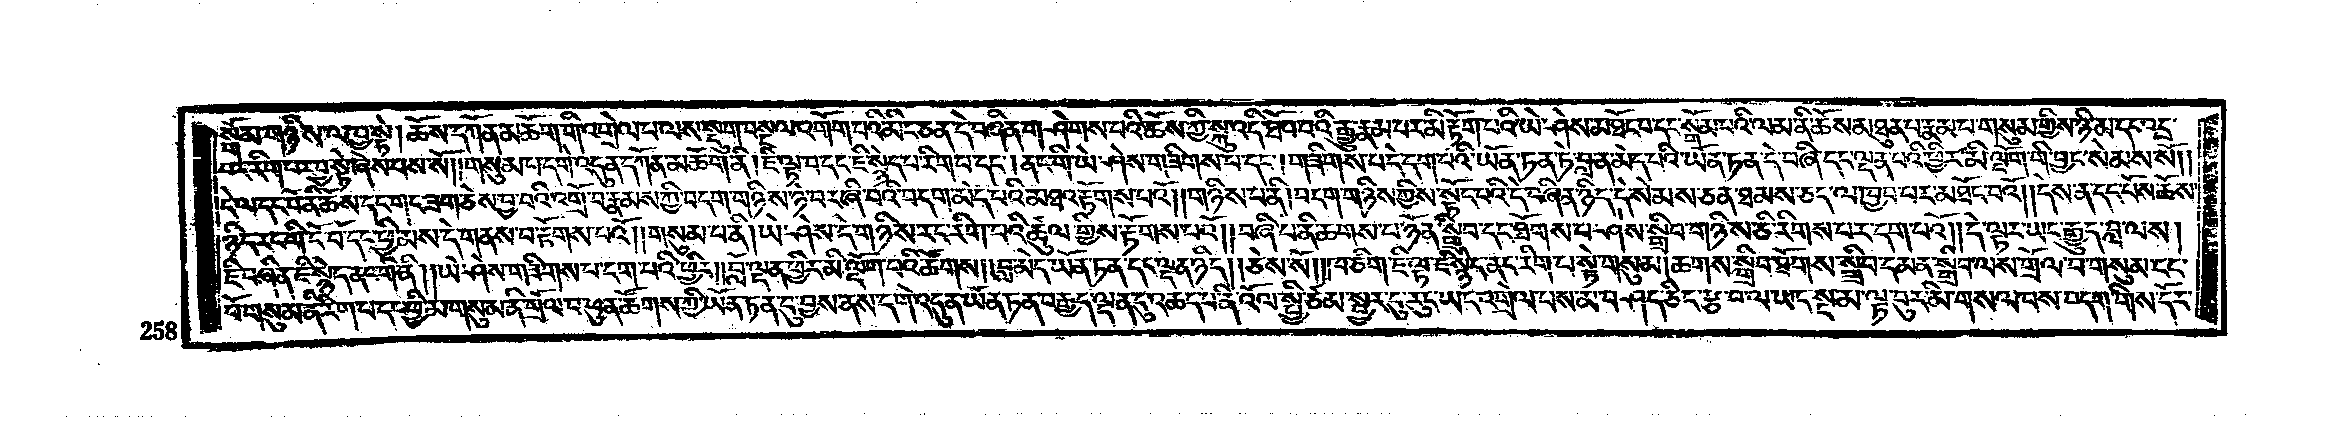སྒོམ་གཉིས་ལ་བྱ་སྟེ། ཆོས་དཀོན་མཆོག་གི་འགྲེལ་པ་ལས་སྡུག་བསྔལ་འགོག་པའི་མིང་ཅན་དེ་བཞིན་གཤེགས་པའི་ཆོས་ཀྱི་སྐུ་འདི་ཐོབ་པའི་རྒྱུ་རྣམ་པར་མི་རྟོག་པའི་ཡེ་ཤེས་མཐོང་བ་དང་སྒོམ་པའི་ལམ་ནི་ཆོས་མཐུན་པ་རྣམ་པ་གསུམ་གྱིས་ཉི་མ་དང་འདྲ་
བར་རིག་པར་བྱ་སྟེ་ཞེས་པས་སོ། །གསུམ་པ་དགེ་འདུན་དཀོན་མཆོག་ནི། ཇི་ལྟ་བ་དང་ཇི་སྙེད་པ་རིག་པ་དང་། ནང་གི་ཡེ་ཤེས་གཟིགས་པ་དང་། གཟིགས་པ་དེ་དག་པའི་ཡོན་ཏན་ཏེ་བླ་ན་མེད་པའི་ཡོན་ཏན་དེ་བཞི་དང་ལྡན་པའི་ཕྱིར་མི་ལྡོག་གི་བྱང་སེམས་སོ། །
དེ་ལ་དང་པོ་ནི་ཆོས་དང་གང་ཟག་ཅེས་བྱ་བའི་འགྲོ་བ་རྣམས་ཀྱི་བདག་གཉིས་ཉེ་བར་ཞི་བའི་བདག་མེད་པའི་མཐའ་རྟོགས་པའོ། །གཉིས་པ་ནི། བདག་གཉིས་ཀྱིས་སྟོང་པའི་དེ་བཞིན་ཉིད་དེ་སེམས་ཅན་ཐམས་ཅད་ལ་ཁྱབ་པར་མཐོང་བའོ། །དེས་ན་དང་པོས་ཆོས་
ཉིད་རང་གི་ངོ་བོ་དང་ཕྱི་མས་དེ་གནས་པ་རྟོགས་པའོ། །གསུམ་པ་ནི། ཡེ་ཤེས་དེ་གཉིས་རང་རིག་པའི་ཚུལ་གྱིས་རྟོགས་པའོ། །བཞི་པ་ནི་ཆགས་པ་ཉོན་སྒྲིབ་དང་ཐོགས་པ་ཤེས་སྒྲིབ་གཉིས་ཅི་རིགས་པར་དག་པའོ། །དེ་ལྟར་ཡང་རྒྱུད་བླ་ལས།
ཇི་བཞིན་དེ་སྙིང་ནང་གི་ནི། །ཡེ་ཤེས་གཟིགས་པ་དག་པའི་ཕྱིར། །བློ་ལྡན་ཕྱིར་མི་ལྡོག་པའི་ཚོགས། །བླ་མེད་ཡོན་ཏན་དང་ལྡན་ཉིད། །ཅེས་སོ། །ཁ་ཅིག་ཇི་ལྟ་ཇི་སྙེད་ནང་རིག་པ་སྟེ་གསུམ། ཆགས་སྒྲིབ་ཐོགས་སྒྲིབ་དམན་སྒྲིབ་ལས་གྲོལ་བ་གསུམ་དང་
པོ་གསུམ་ནི་རིག་པ་དང་ཕྱི་མ་གསུམ་ནི་གྲོལ་བ་ཕུན་ཚོགས་ཀྱི་ཡོན་ཏན་དུ་བྱས་ནས་དགེ་འདུན་ཡོན་ཏན་བརྒྱད་ལྡན་དུ་འཆད་པ་ནི་འོལ་སྤྱི་ཙམ་སྦྱར་དུ་རུང་ཡང་འགྲེལ་པས་མ་བཤད་ཅིང་རྩ་བ་ལ་ཡང་སྔ་མ་ལྟ་བུར་མི་གསལ་བས་བདག་གིས་དོར་